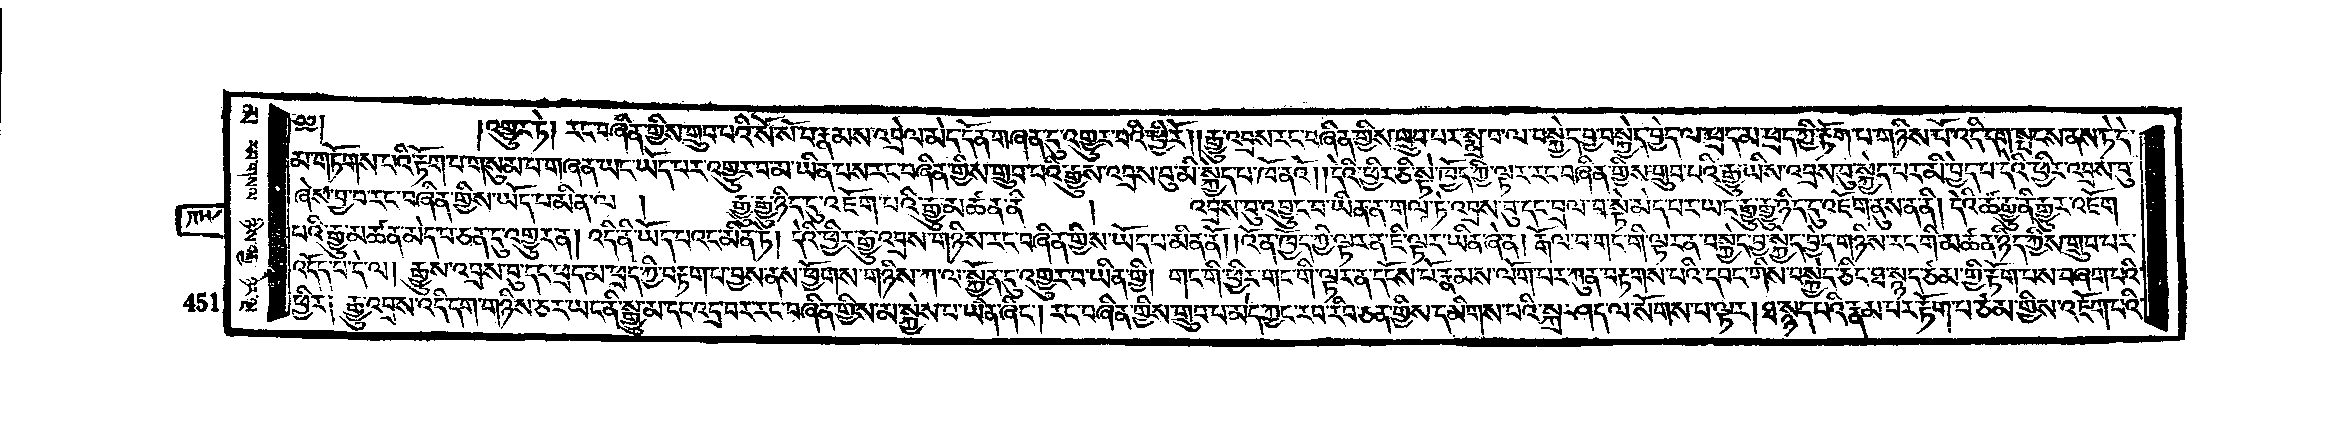༄༅། །འགྱུར་ཏེ། རང་བཞིན་གྱིས་གྲུབ་པའི་སོ་སོ་བ་རྣམས་འབྲེལ་མེད་དོན་གཞན་དུ་འགྱུར་བའི་ཕྱིར་རོ། །རྒྱུ་འབྲས་རང་བཞིན་གྱིས་གྲུབ་པར་སྨྲ་བ་ལ་བསྐྱེད་བྱ་བསྐྱེད་བྱེད་ལ་ཕྲད་མ་ཕྲད་ཀྱི་རྟོག་པ་གཉིས་པོ་འདི་དག་སྤངས་ནས་ཏེ་དེ་
མ་གཏོགས་པའི་རྟོག་པ་གསུམ་པ་གཞན་ཡང་ཡོད་པར་འགྱུར་བ་མ་ཡིན་པས་རང་བཞིན་གྱིས་གྲུབ་པའི་རྒྱུས་འབྲས་བུ་མི་སྐྱེད་པ་ཁོ་ནའོ། །དེའི་ཕྱིར་ཅི་སྟེ་ཁྱོད་ཀྱི་ལྟར་རང་བཞིན་གྱིས་གྲུབ་པའི་རྒྱུ་ཡིས་འབྲས་བུ་སྐྱེད་པར་མི་བྱེད་པ་དེའི་ཕྱིར་འབྲས་བུ་
ཞེས་བྱ་བ་རང་བཞིན་གྱིས་ཡོད་པ་མིན་ལ། རྒྱུ་རྒྱུ་ཉིད་དུ་འཇོག་པའི་རྒྱུ་མཚན་ནི་། འབྲས་བུ་འབྱུང་བ་ཡིན་ན་གལ་ཏེ་འབྲས་བུ་དང་བྲལ་བ་སྟེ་མེད་པར་ཡང་རྒྱུ་རྒྱུ་ཉིད་དུ་འཇོག་ནུས་ན་ནི། དེའི་ཚེ་རྒྱུ་ནི་རྒྱུར་འཇོག་
པའི་རྒྱུ་མཚན་མེད་པ་ཅན་དུ་འགྱུར་ན། འདི་ནི་ཡོད་པའང་མིན་ཏེ། དེའི་ཕྱིར་རྒྱུ་འབྲས་གཉིས་རང་བཞིན་གྱིས་ཡོད་པ་མིན་ནོ། །འོ་ན་ཁྱོད་ཀྱི་ལྟར་ན་ཇི་ལྟར་ཡིན་ཞེ་ན། རྒོལ་བ་གང་གི་ལྟར་ན་བསྐྱེད་བྱ་སྐྱེད་བྱེད་གཉིས་རང་གི་མཚན་ཉིད་ཀྱིས་གྲུབ་པར་
འདོད་པ་དེ་ལ། རྒྱུས་འབྲས་བུ་དང་ཕྲད་མ་ཕྲད་ཀྱི་བརྟག་པ་བྱས་ནས་ཕྱོགས་གཉིས་ཀ་ལ་སྐྱོན་དུ་འགྱུར་བ་ཡིན་གྱི། གང་གི་ཕྱིར་གང་གི་ལྟར་ན་དངོས་པོ་རྣམས་ལོག་པར་ཀུན་བརྟགས་པའི་དབང་གིས་བསྐྱེད་ཅིང་ཐ་སྙད་ཙམ་གྱི་རྟོག་པས་བཞག་པའི་
ཕྱིར། རྒྱུ་འབྲས་འདི་དག་གཉིས་ཅར་ཡང་ནི་སྒྱུ་མ་དང་འདྲ་བར་རང་བཞིན་གྱིས་མ་སྐྱེས་པ་ཡིན་ཞིང་། རང་བཞིན་གྱིས་གྲུབ་པ་མེད་ཀྱང་རབ་རིམ་ཅན་གྱིས་དམིགས་པའི་སྒྲས་ཤད་ལ་སོགས་པ་ལྟར། ཐ་སྙད་པའི་རྣམ་པར་རྟོག་པ་ཙམ་གྱིས་འཇོག་པའི་